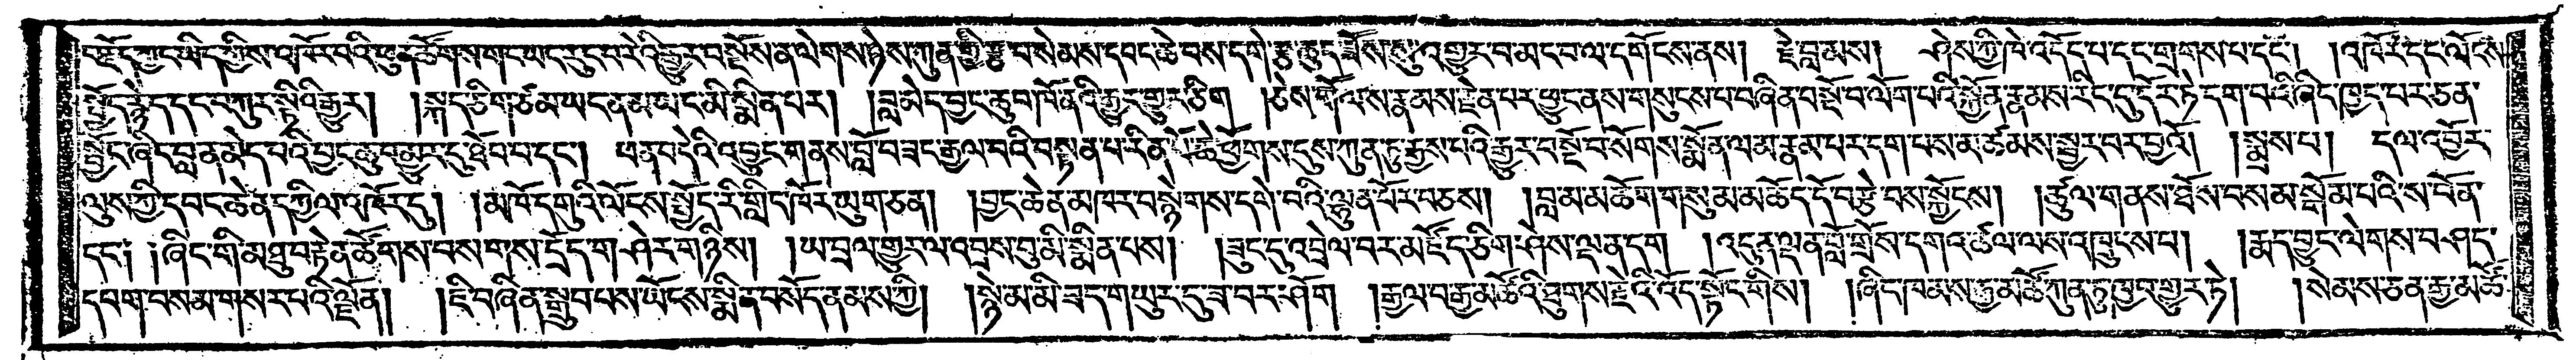བརྗོད་ཀྱང་ཡིད་ཀྱིས་འཁོར་བའི་ཕུན་ཚོགས་གང་ཡང་རུང་བ་རེའི་རྒྱུར་བསྔོས་ན་ལེགས་ཉེས་ཀུན་གྱི་རྩ་བ་སེམས་དབང་ཆེ་བས་དགེ་རྩ་ཆུད་ཟོས་སུ་འགྱུར་བ་མང་བ་ལ་དགོངས་ནས། རྗེ་བླ་མས། ཤེས་ཀྱི་ཁེ་འདོད་པ་དང་གྲགས་པ་དང་། །འཁོར་དང་ལོངས་
སྤྱོད་རྙོད་དང་བཀུར་སྟིའི་རྒྱུར། །སྐད་ཅིག་ཙམ་ཡང་ནམ་ཡང་མི་སྨིན་པར། །བླ་མེད་བྱང་ཆུབ་ཁོ་ནའི་རྒྱུར་གྱུར་ཅིག །ཅེས་གོ་ལས་རྣམས་རྗེན་པར་ཕྱང་ནས་གསུངས་པ་བཞིན་པ་སྔོ་བ་ལོག་པའི་སྐྱོན་རྣམས་རིང་དུ་དོར་ཏེ་དག་པའི་ཞིང་ཁྱད་པར་ཅན་
སྦྱོང་ཞིང་བླ་ན་མེད་པའི་བྱང་ཆུབ་མྱུར་དུ་ཐོབ་པ་དང་། ཕན་བདེའི་འབྱུང་གནས་བློ་བཟང་རྒྱལ་བའི་བསྟན་པ་རིན་པོ་ཆེ་ཕྱོགས་དུས་ཀུན་ཏུ་རྒྱས་བའི་རྒྱུར་བ་སྔབ་སོགས་སྨོན་ལམ་རྣམ་པར་དག་བས་མཚམས་སྦྱར་བར་བྱའོ། །སྨྲས་པ། དལ་འབྱོར་
ལུས་ཀྱི་དབང་ཆེན་དཀྱིལ་འཁོར་དུ། །མཁོ་དགུའི་ལོངས་སྤྱོད་རི་གླིང་ཁོར་ཡུག་ཅན། །བྱང་ཆེན་མཁར་བསྙེགས་དགེ་བའི་ལྷུན་པོར་བཅས། །བླ་མ་མཆོག་གསུམ་མཆོད་དོ་བརྩེ་བས་སྐྱོངས། །ཚུལ་གནས་ཐོས་བསམ་སྒོམ་པའི་ས་བོན་
དང༑ ༑ཞིང་གི་མཐུ་བརྟེན་ཚོགས་བསགས་དྲོད་གཤེར་གཉིས། །ཡ་བྲལ་གྱུར་ལ་འབྲས་བུ་མི་སྨིན་པས། །ཟུང་དུ་འབྲེལ་བར་མཛོད་ཅིག་ཤེས་ལྡན་དག །འདུན་ལྡན་བློ་གྲོས་དགའ་ཚལ་ལས་འཁྲུངས་པ། །རྨད་བྱུང་ལེགས་བཤད་
དཔག་བསམ་གསར་པའི་ལྗོན། །ཇི་བཞིན་སྒྲུབ་པས་ཡོངས་སྨིན་བསོད་ནམས་ཀྱི། །སྙེ་མ་མི་ཟད་གཡུར་དུ་ཟ་བར་ཤོག །རྒྱལ་བ་རྒྱ་མཚོའི་ཐུགས་རྗེའི་འོད་སྟོང་གིས། །ཞིང་ཁམས་རྒྱ་མཚོ་ཀུན་ཏུ་ཁྱབ་གྱུར་ཏེ། །སེམས་ཅན་རྒྱ་མཚེ་